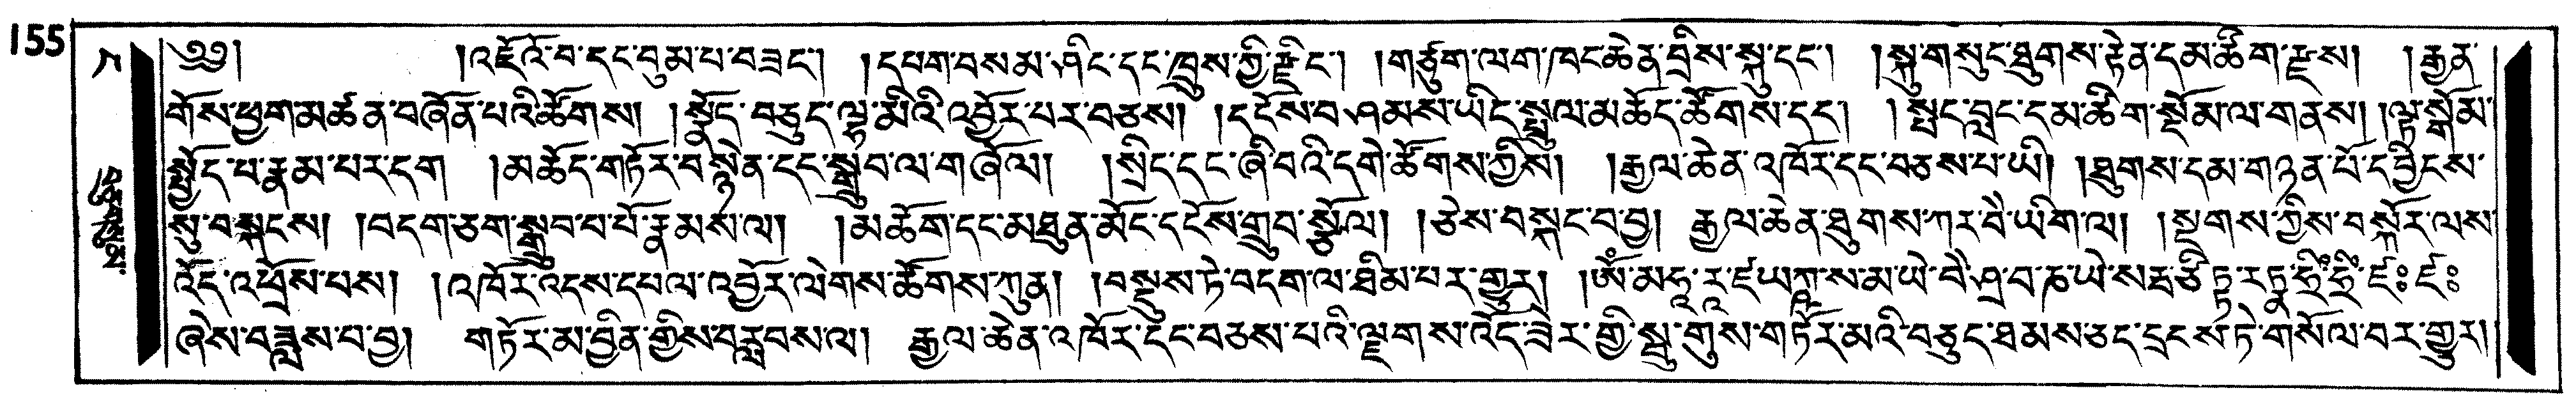༄༅། །འཇོའོ་བ་དང་བུམ་པ་བཟང་། །དཔག་བསམ་ཤིང་དང་ཁྲུས་ཀྱི་རྫིང་། །གཙུག་ལག་ཁང་ཆེན་བྲིས་སྐུ་དང་། །སྐུ་གསུང་ཐུགས་རྟེན་དམ་ཚིག་རྫས། །རྒྱན་
གོས་ཕྱག་མཚན་བཞོན་པའི་ཚོགས། །སྣོད་བཅུད་ལྷ་མིའི་འབྱོར་པར་བཅས། །དངོས་བཤམས་ཡིད་སྤྲུལ་མཆོད་ཚོགས་དང་། །སྤང་བླང་དམ་ཚིག་སྡོམ་ལ་གནས། །ལྟ་སྒོམ་
སྤྱོད་པ་རྣམ་པར་དག །མཆོད་གཏོར་བསྙེན་དང་སྒྲུབ་ལ་གཞོལ། །སྲིད་དང་ཞི་བའི་དགེ་ཚོགས་ཀྱིས། །རྒྱལ་ཆེན་འཁོར་དང་བཅས་པ་ཡི། །ཐུགས་དམ་གཉན་པོ་དབྱིངས་
སུ་བསྐངས། །བདག་ཅག་སྒྲུབ་པ་པོ་རྣམས་ལ། །མཆོག་དང་མཐུན་མོང་དངོས་གྲུབ་སྩོལ། །ཅེས་བསྐང་བ་བྱ། རྒྱལ་ཆེན་ཐུགས་ཀར་བཻ་ཡིག་ལ། །སྔགས་ཀྱིས་བསྐོར་ལས་
འོད་འཕྲོས་པས། །འཁོར་འདས་དཔལ་འབྱོར་ལེགས་ཚོགས་ཀུན། །བསྡུས་ཏེ་བདག་ལ་ཐིམ་པར་གྱུར། །ཨོཾ་མཧཱ་རཱ་ཛ་ཡ་ཀྵ་ས་མ་ཡེ་བཻ་ཤྲ་བ་ཎ་ཡེ་སརྦ་ཙིཏྟ་རཏྣ་ཧྲིཾ་ཧྲིཾ་ཛཿ ཛཿ
ཞེས་བཟླས་པ་བྱ། གཏོར་མ་བྱིན་གྱིས་བརླབས་ལ། རྒྱལ་ཆེན་འཁོར་དང་བཅས་པའི་ལྗགས་འོད་ཟེར་གྱི་སྦུ་གུས་གཏོར་མའི་བཅུད་ཐམས་ཅད་དྲངས་ཏེ་གསོལ་བར་གྱུར།